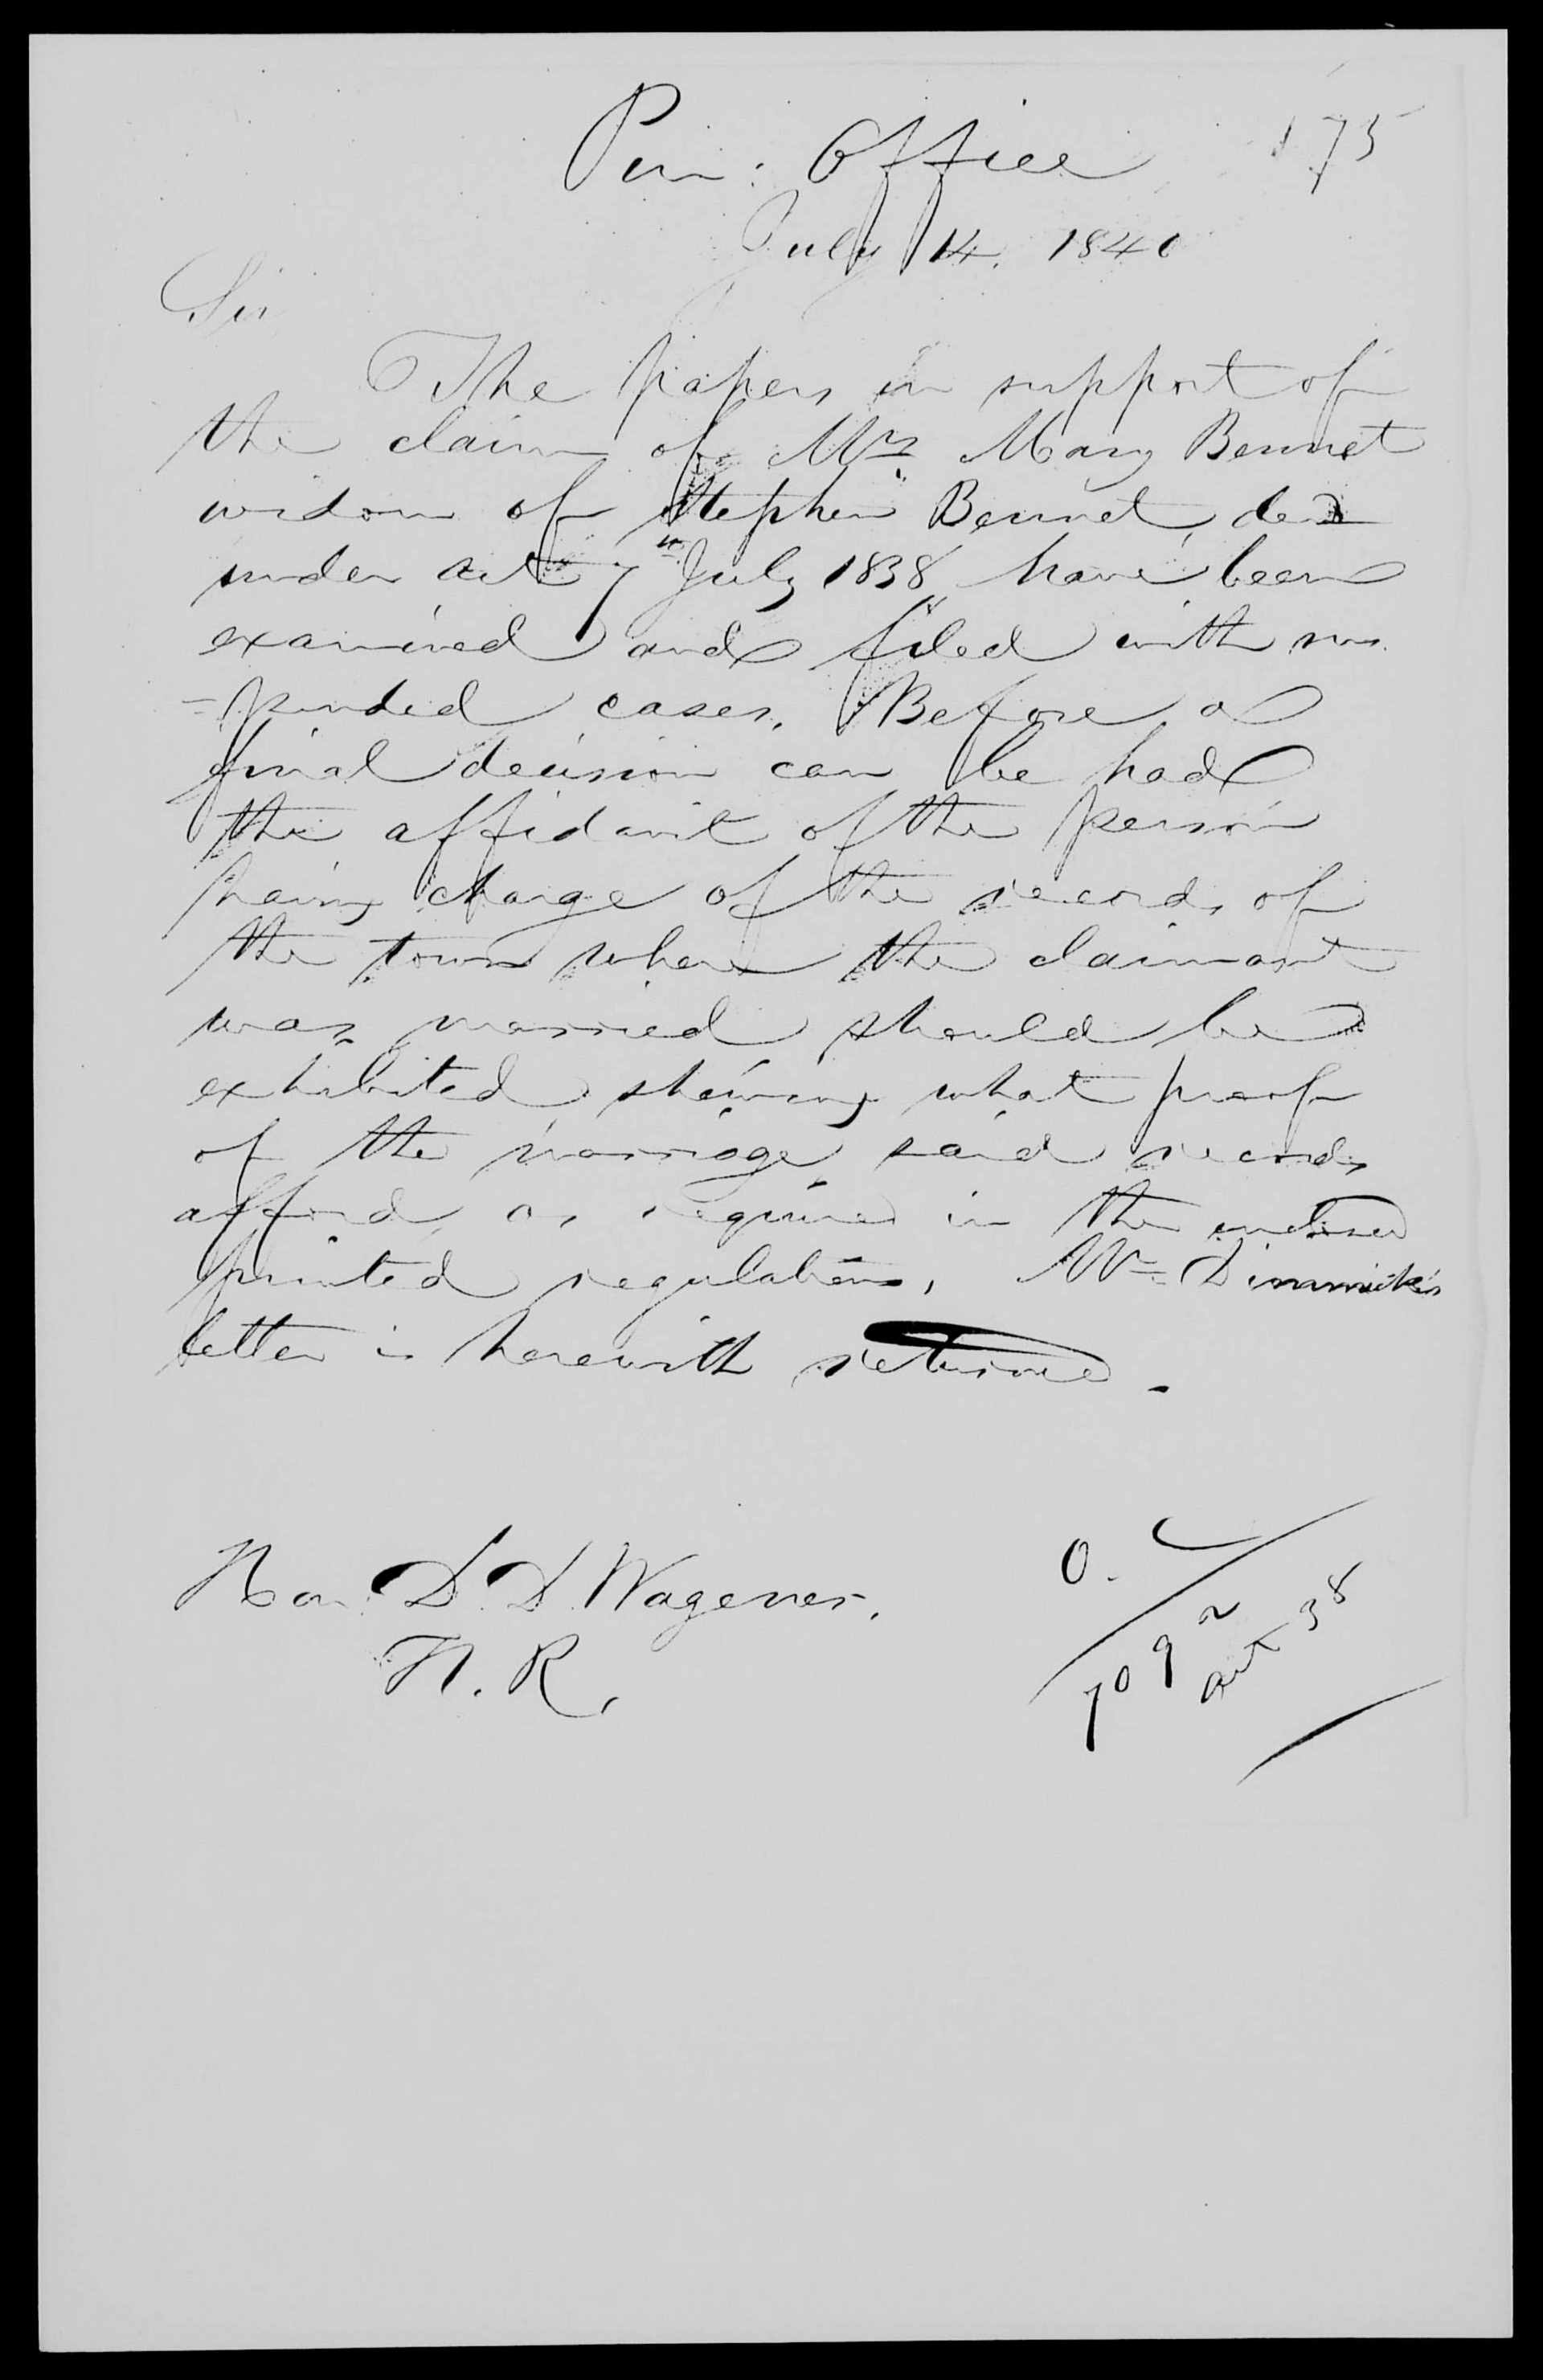pen office
July 4, 1841
Sir
The papers in support of
the claim
widow of
of Mrs Mary Bennet
Stephen
Bennet,
under act 7th July 1838 have been
examined and filed with
pended cases. Before a
final decision can be had
the affidavit of the persons
having charge of the records of
the town where the claimant
was married should be
exhibited shewing what proof
of the marriage said records
aff or required in the intered
A
printed regulating,
Dimmick's
letter is herewith set
No D Wagener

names: Stephen Bennet, Dimmick, Mary Bennet, D D Wagener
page: 60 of 79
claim: widow's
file: W. 2,906, Stephen Bennet, Conn.